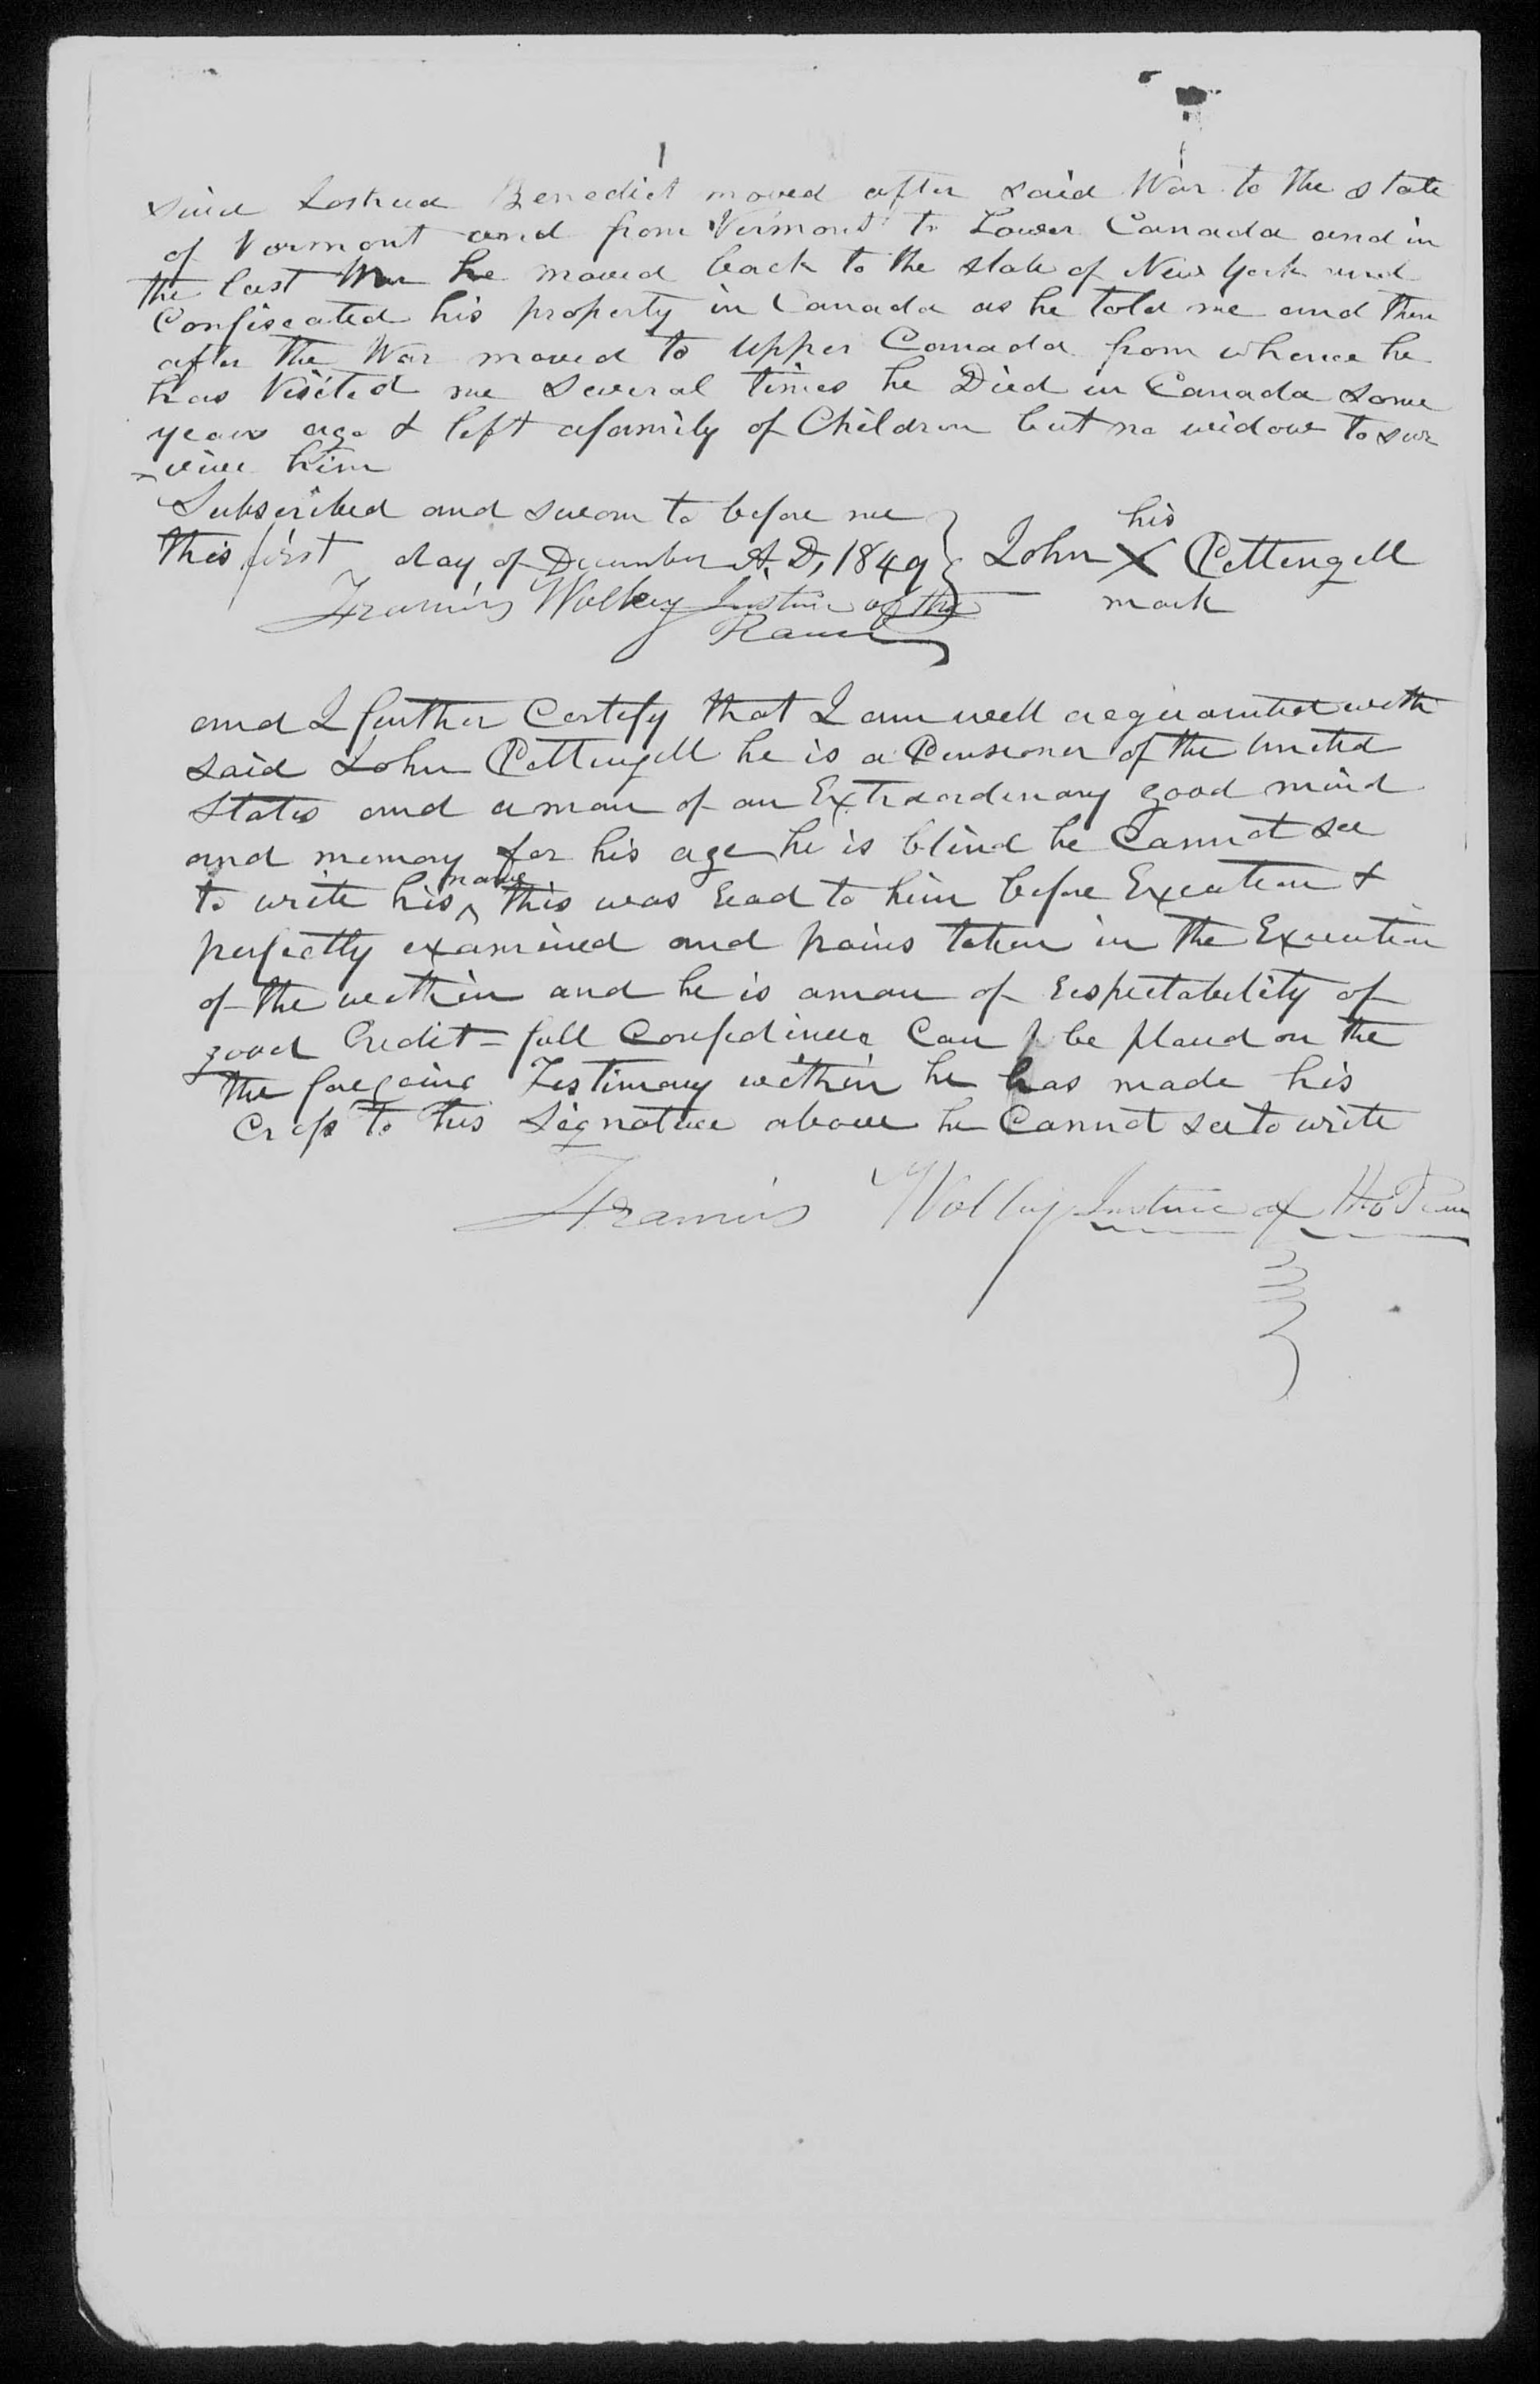said Joshua Benedict moved after said War to the state of Vermont and from Vermont to Lower Canada and in the last War he moved back to the state of New York and Confiscated his property in Canada as he told me and then after the War moved to Upper Canada from whence he has Visited me several times he Died in Canada some years ago & left a family of Children but no widow to survive him

his
John X Pettingell
mark

Subscribed and sworn to before me this first day of December A.D. 1849
Francis Walley Justice of the Peace

and I further Certify that I am well acquainted with said John Pettingell he is a Pensioner of the United States and a man of an Extraordinary good mind and memory for his age he is blind he cannot see to write his name this was read to him before Execution & perfectly examined and pains taken in the Execution of the within and he is a man of respectability of good Credit - full Confidence can be placed on the foregoing Testimony within he has made his Cross to his Signature above he cannot see to write
Francis Walley Justice of the Peace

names: Francis Wolley, Joshua Benedict, John Pettingell, Francis Wolley, John Pettingell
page: 30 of 106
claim: survivor's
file: S 23,116., Joshua Benedict, Conn.